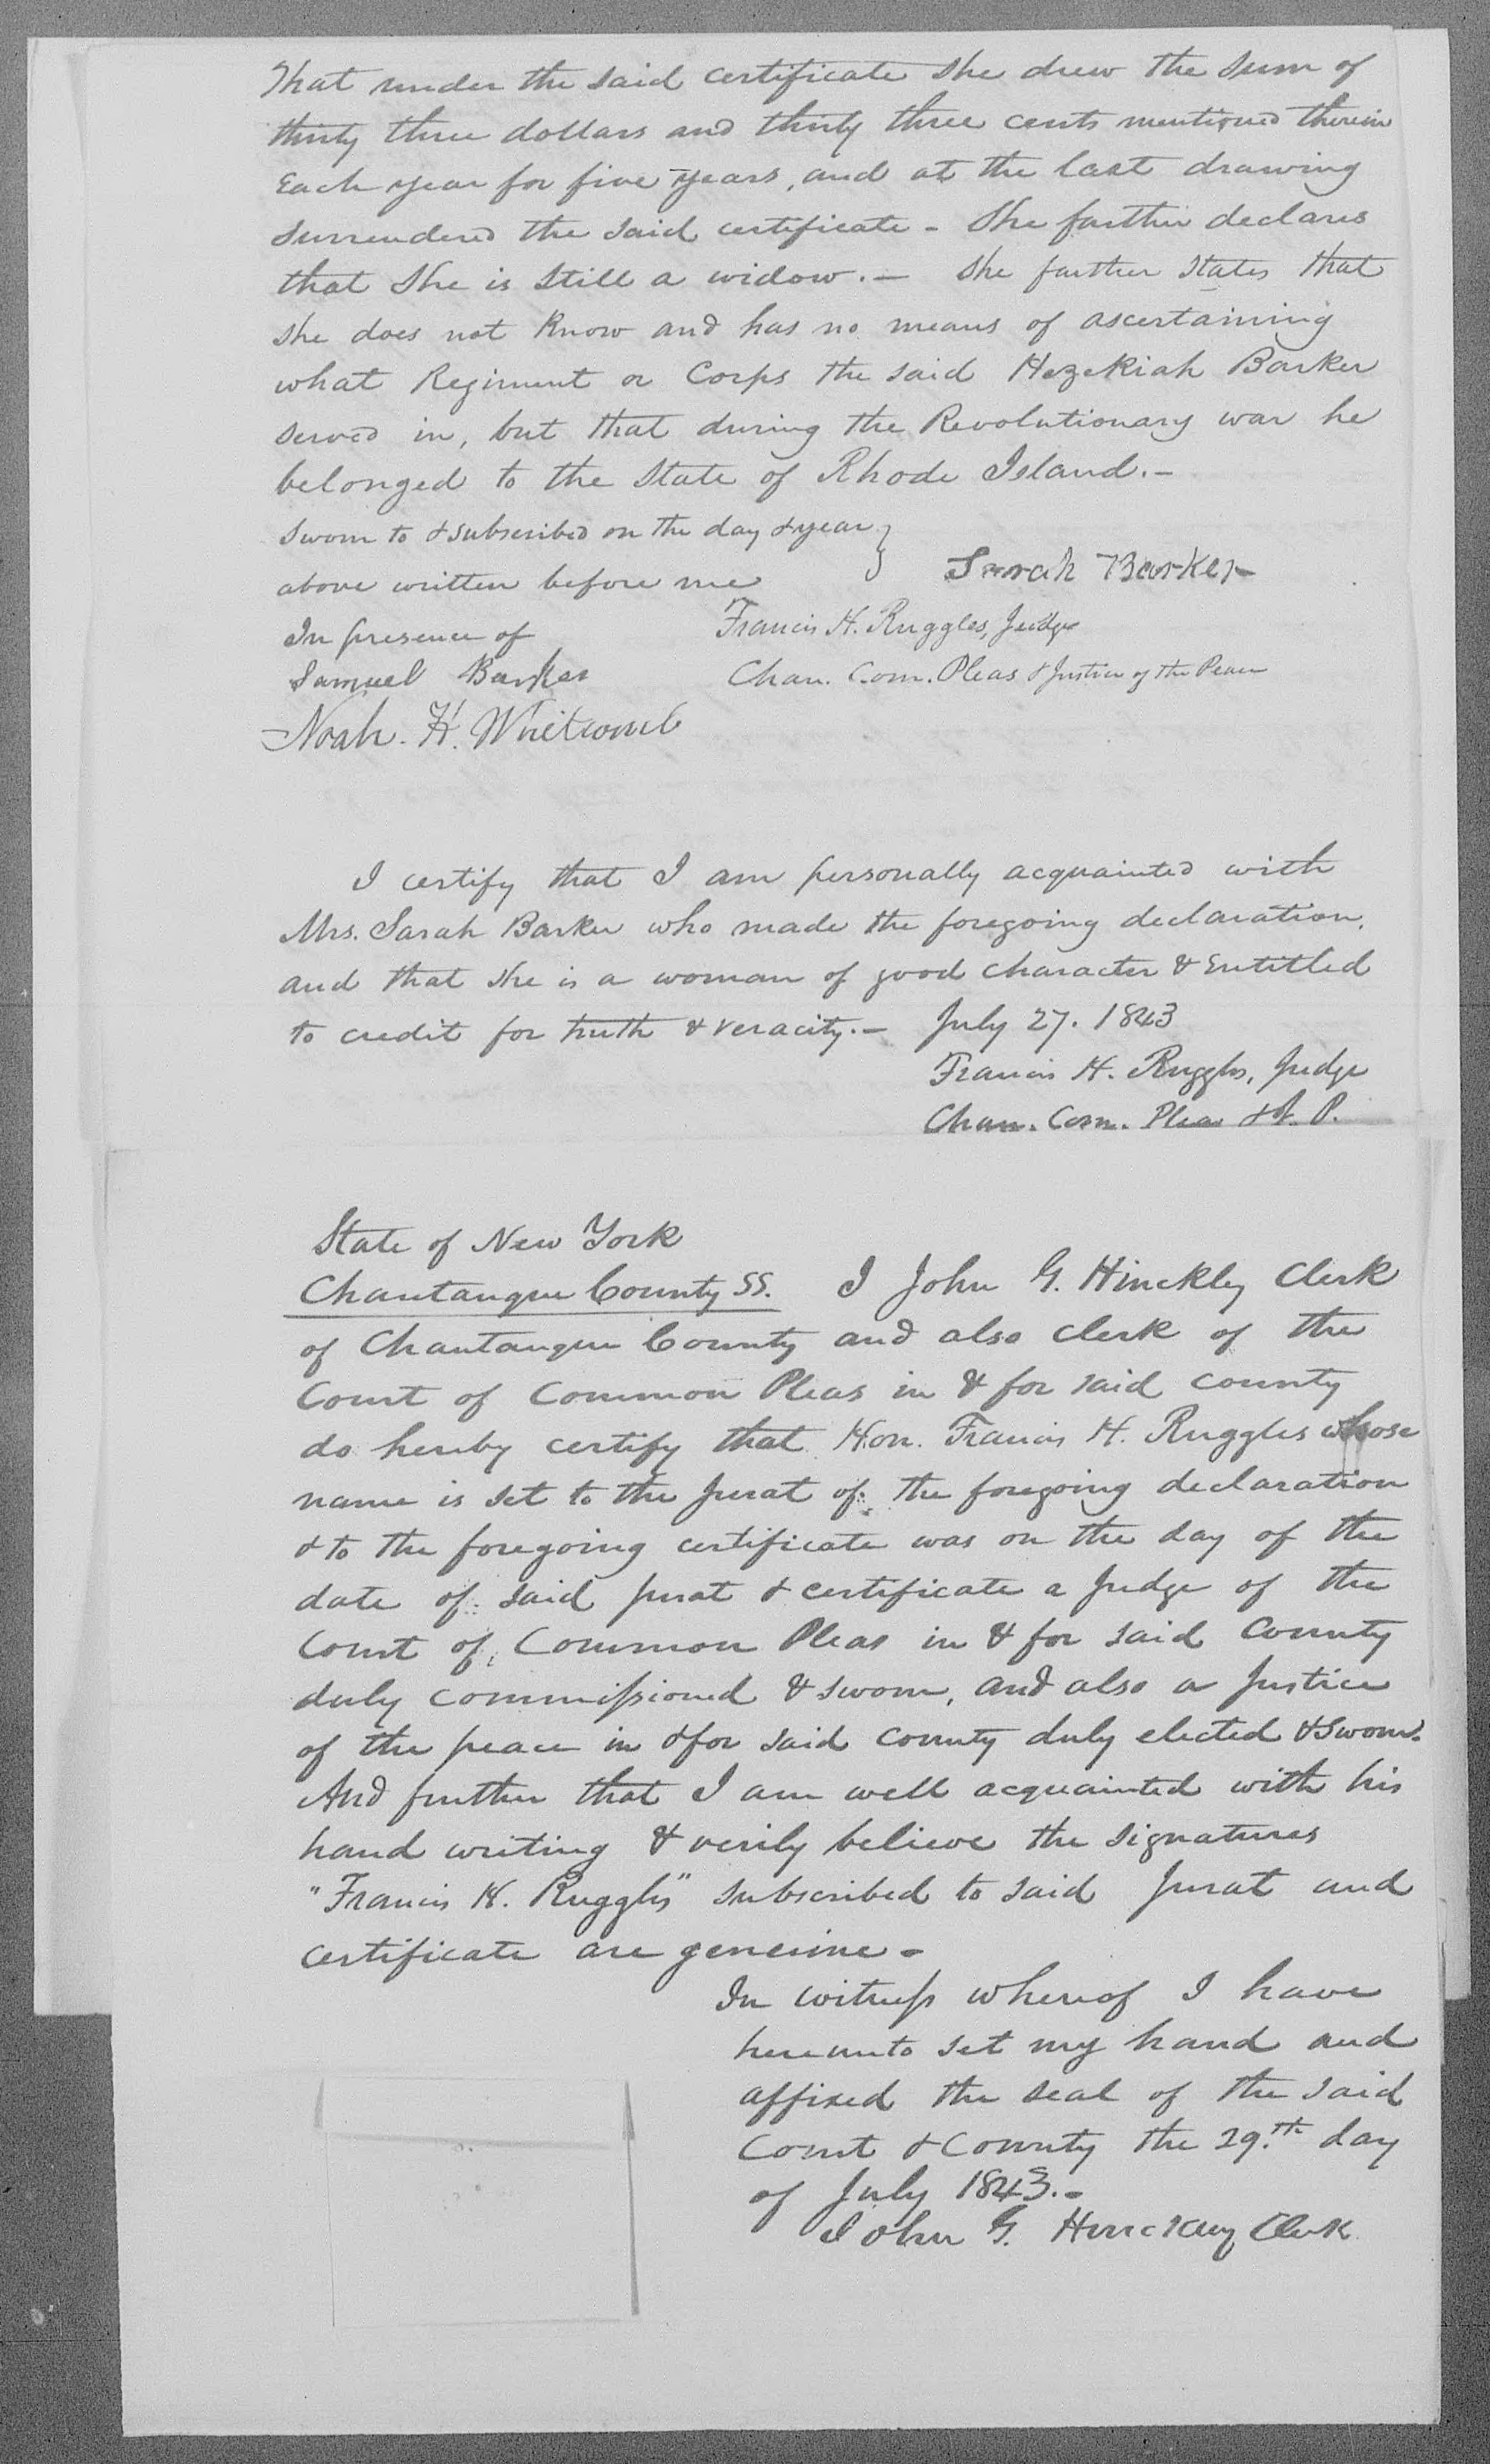That under the said certificate she drew the sum of thirty three dollars and thirty three cents mentioned therein each year for five years, and at the last drawing surrendered the said certificate. She further declares that she is still a widow. She further states that she does not know and has no means of ascertaining what Regiment of Corps the said Hezekiah Barker served in, but that during the Revolutionary war he belonged to the State of Rhode Island. Sarah Barker Sworn to & subscribed on the day & year above written before me in presence of Samuel Barker Noah H. Whitcomb Francis H. Ruggles, Judge Cham Com Pleas & Justice of the Peace 
I certify that I am personally acquainted with Mrs. Sarah Barker who made the foregoing declaration and that she is a woman of good character & entitled to credit for truth & veracity. July 27 1843 Francis H. Ruggles, Judge Cham. Com. Pleas & J. P.
State of New York Chautauqua County SS. I John G. Hinckly Clerk of Chautauqua County and also clerk of the Court of Common Pleas in & for said county do hereby certify that Hon Francis H. Ruggles whose name is set to the Jurat of the foregoing declaration & to the foregoing certificate was on the day of the date of said jurat & certificate  a Judge of the Court of Common Pleas in & for said County duly commissioned & sworn, and also a Justice of the peace in & for said county duly elected & sworn. And further that I am well acquainted with his hand writing & verily believe the signatures "Francis H. Ruggles" subscribed to said jurat and certificate are genuine. In witness whereof I have hereunto set my hand and affixed the seal of the said court & county the 29th day of July 1843. John G. Hinckley Clerk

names: Francis H Ruggles, Sarah Barker, Francis H Ruggles, John G Hinckley, Hezekiah Barker, John G Hinckly, Samuel Barker, Francis H Ruggles, Noah H Whitcomb, Sarah Barker, Francis H Ruggles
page: 52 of 52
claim: widow's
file: W. 18,565, Hezekiah Barker, Continental R.I.